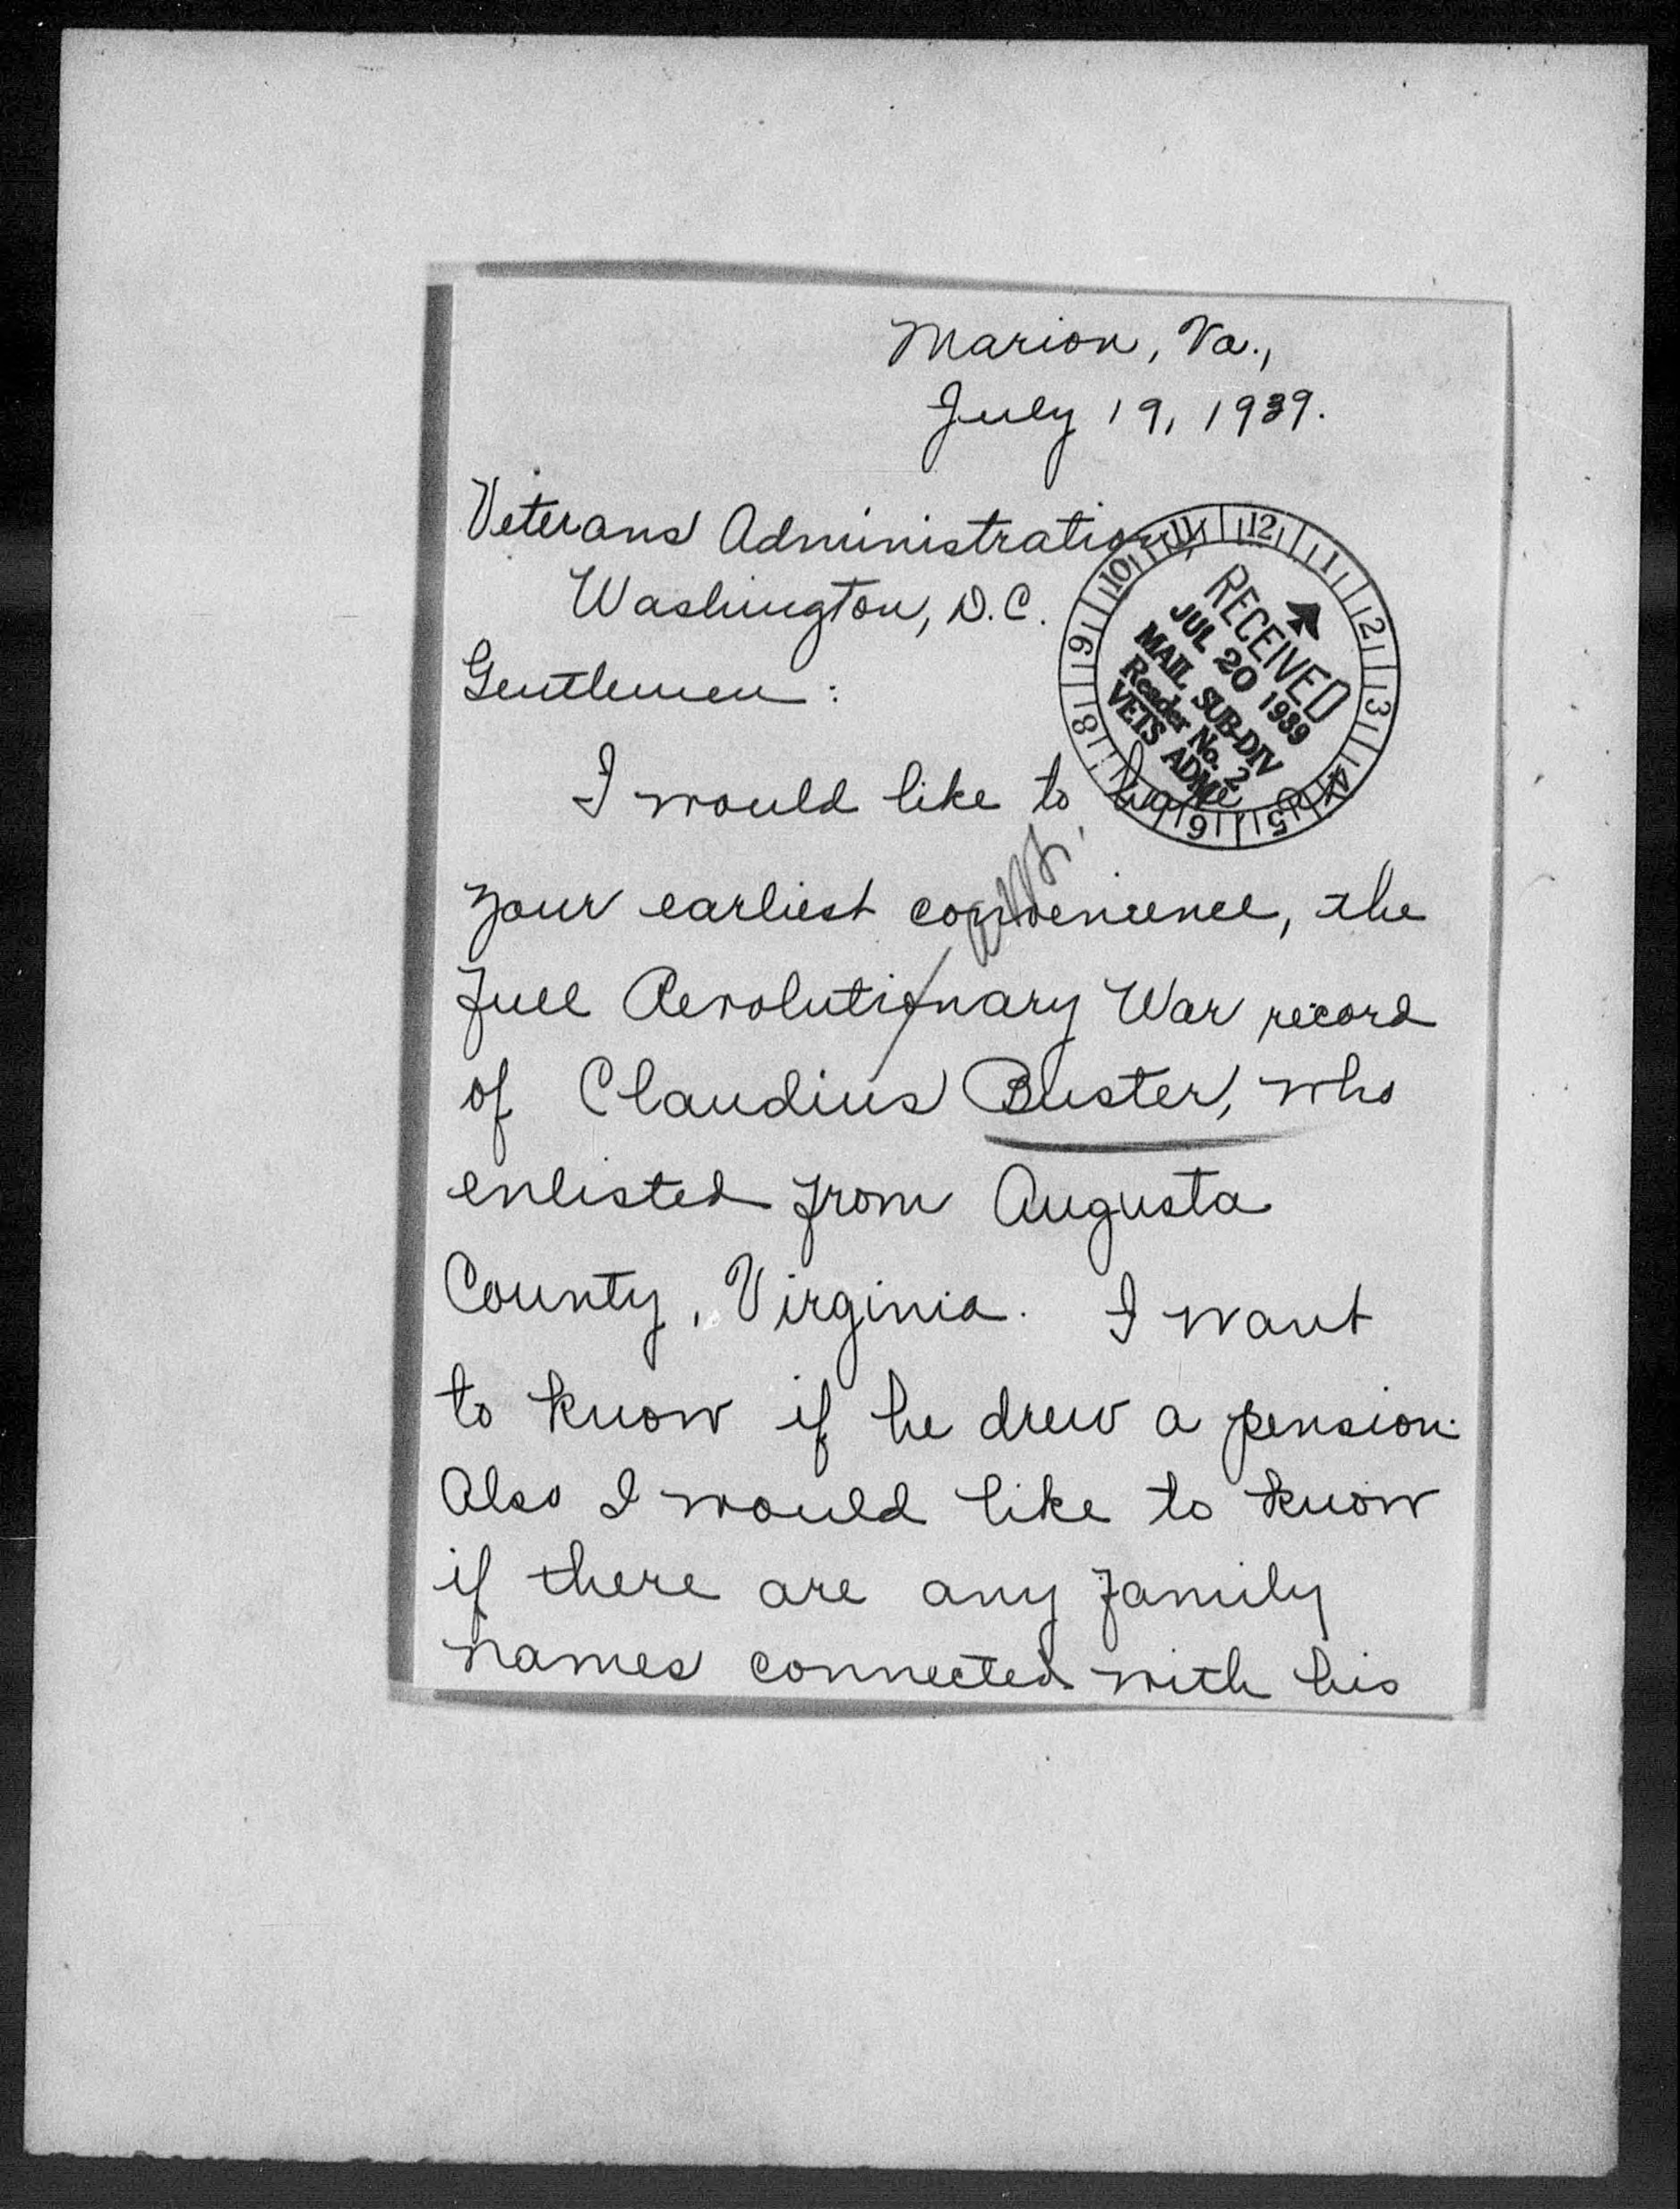Marion, Va.,
July 19, 1939.

Veterans Administration
Washington, D. C.

Gentlemen:

I would like to have at your earliest convenience, the full Revolutionary War record of Claudius Buster, who enlisted from Augusta County, Virginia. I want to know if he drew a pension. Also I would like to know if there are any family names connected with his 

RECEIVED JUL 20 1939
MAIL SUB-DIV
Reader No. 2
VETS ADM  [ink stamp]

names: Claudius Buster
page: 48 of 71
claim: widow's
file: W. 25310, Claudius Buster, Va.